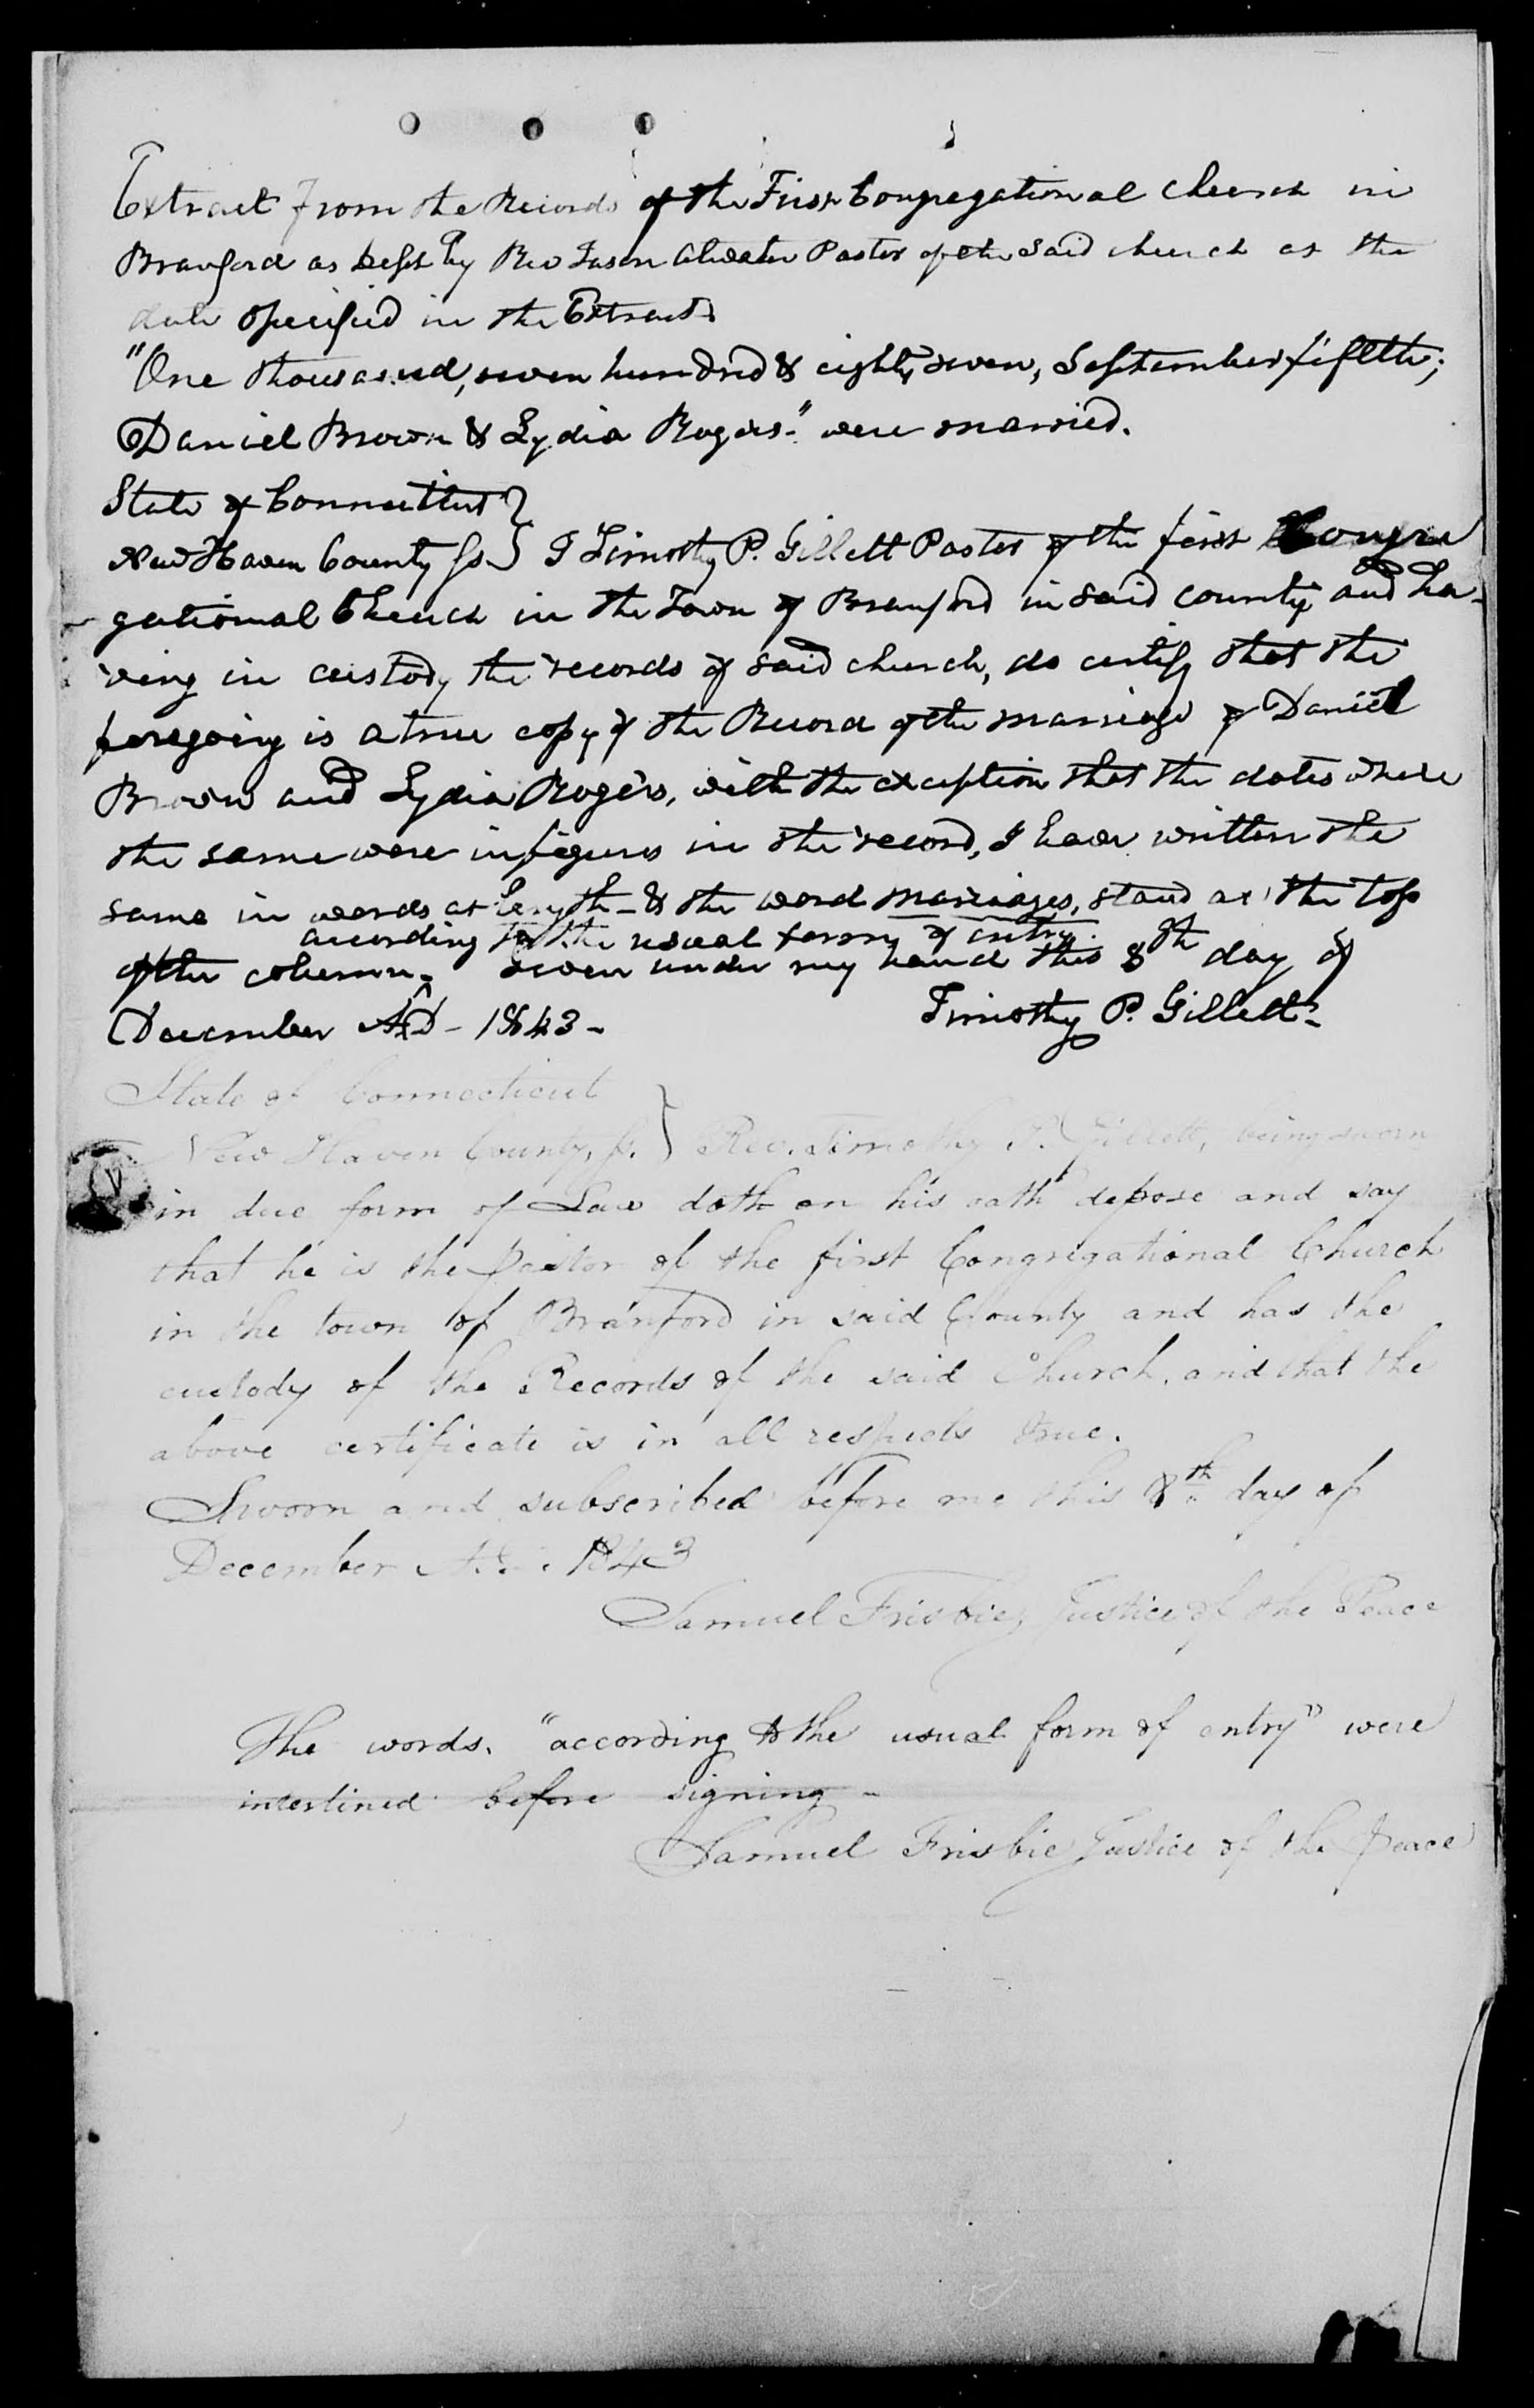Extract from the records of the First Congregational Church in Branford as kept by Rev. Jason Atwater Pastor of the said church as the date specified in the extract.
"One thousand seven hundred & eighty seven, September fifth; Daniel Brown & Lydia Rogers" were married.
State of Connecticut}
New Haven County Ss.}
I Timothy P. Gillett Pastor fo the first Congregational Church in the town of Branford in said county and having in custody the records of said church, do certify that the foregoing is a true copy & the record of the marriage of Daniel Brown and Lydia Rogers, with the exception that the dates there the same were infigures in the record, I have written the same in words at length & the word marriages stand at the top of the column according to the usual form of entry.  Given under my hand this 8th day of December AD 1843. Timothy P. Gillett
State of Connecticut
New Haven County Ss.} 
Rev. Timothy P. Gillett,, being sworn in due form of law doth on his oath depose and say that he is the pastor of the first Congregational Church in the town of Branford in said County and has the custody of the records of the said Church, and that the above certificate is in all respects true.
Sworn and subscribed before me this 18th day of December AD. 1843
Samuel Frisbie, Justice of the Peace
The words, "according to the usual form of entry" were interlined before signing.
Samuel Frisbie, Justice of the Pease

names: Samuel Frisbie, Timothy P Gillett, Lydia Rogers, Daniel Brown, Timothy P Gillett, Daniel Brown, Lydia Rogers, Samuel Frisbie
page: 14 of 37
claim: widow's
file: W. 20,787, Daniel Brown, Conn. Navy.